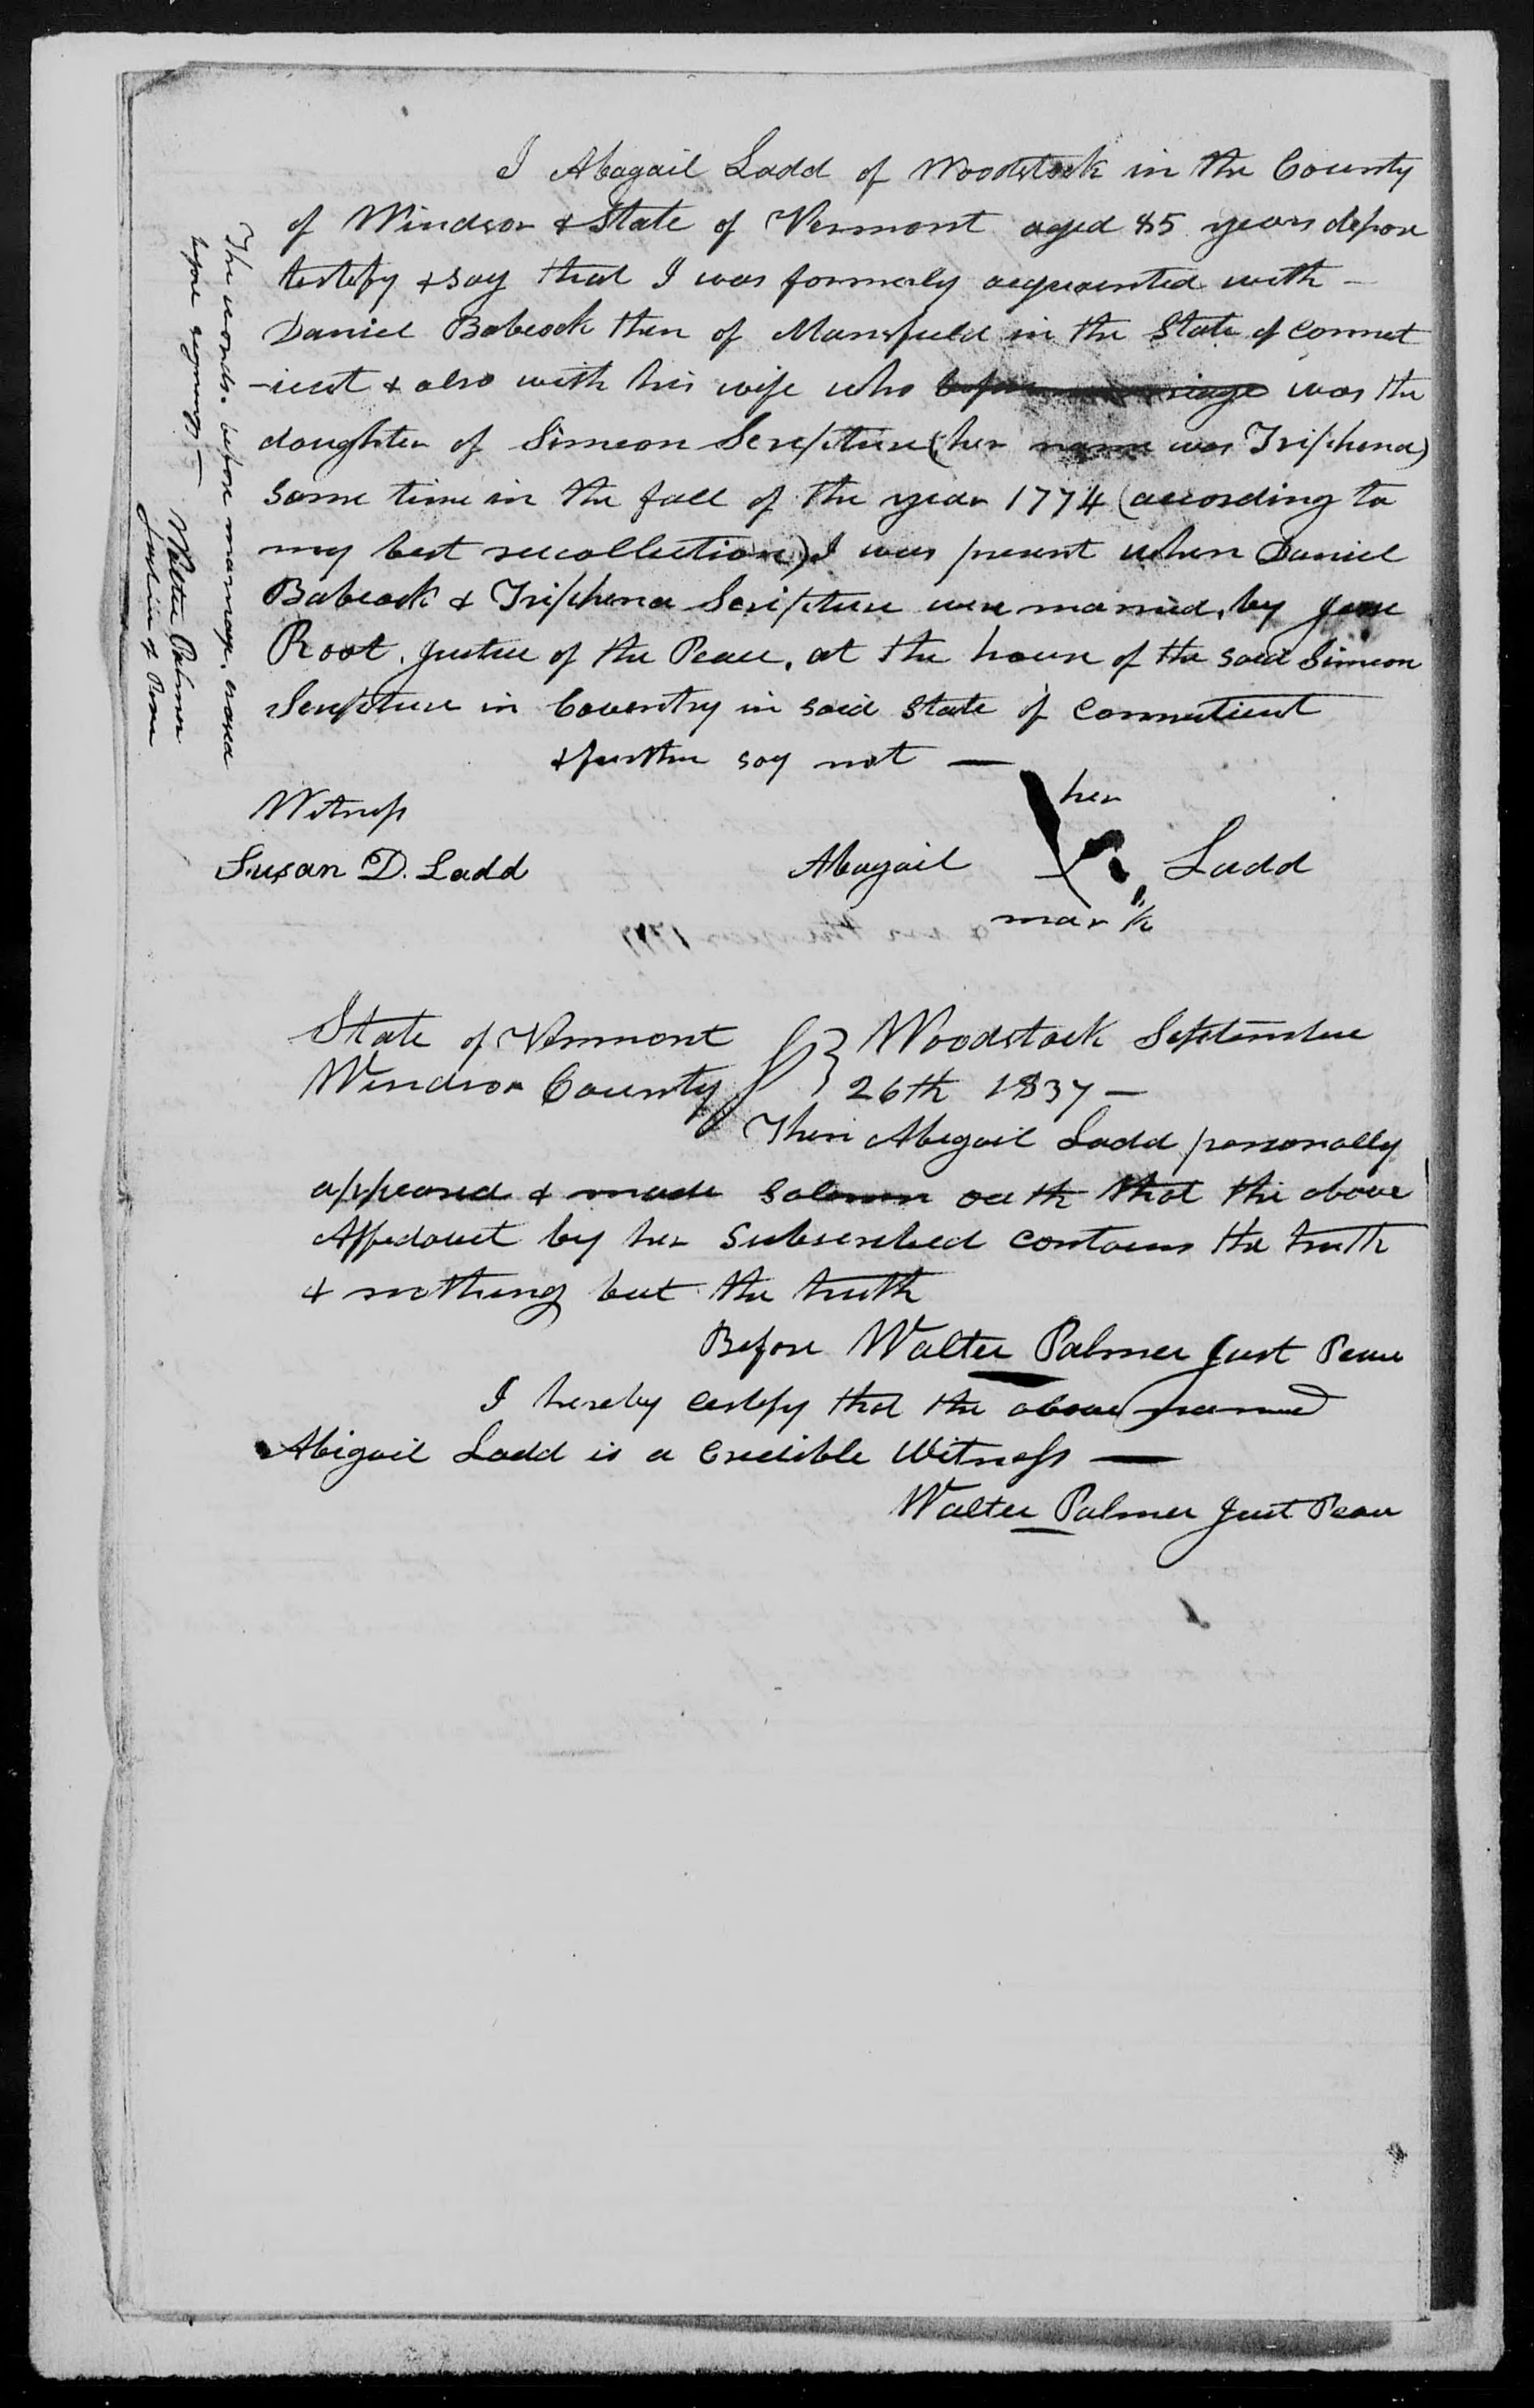I Abagail Ladd of Woodstock in the County of Windsor & State of Vermont aged 85 years depose testify & say that I was formerly acquainted with Daniel Babcock then of Mansfield in the State of Connecticut & also with his wife who was the daughter of Simeon Scripture (her name was Triphena) and same time in the fall of the year 1774 (according to my best recollection I was present when Daniel Babcock & Triphena Scripture were married by Jane Root, Justice of the Peace, at the house of the said Simeon Scripture in Coventry in said State of Connecticut & further say not her 
Abagail Ladd x her mark 
Witness Susan D. Ladd
State of Vermont 
Windsor County } ss Woodstock September 26th 1837  Then Abigail Ladd personally appeared & made solemn oath that the above Affidavit by her subscribed contains the truth and nothing but the truth 
Before Walter Palmer Just Peace 
I hereby certify that the above named Abigail Ladd is a credible witness- 
Walter Palmer Just Peace
The words before marriage added before signing
Walter Palmer Just Peace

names: Simeon, Abagail Ladd, Daniel Babcock, Abigail Ladd, Walter Palmer, Susan D Ladd, Abagail Ladd, Abegail Ladd, Daniel Babcock, Walter Palmer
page: 3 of 10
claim: rejected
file: R. 345, Daniel Babcock, Conn.